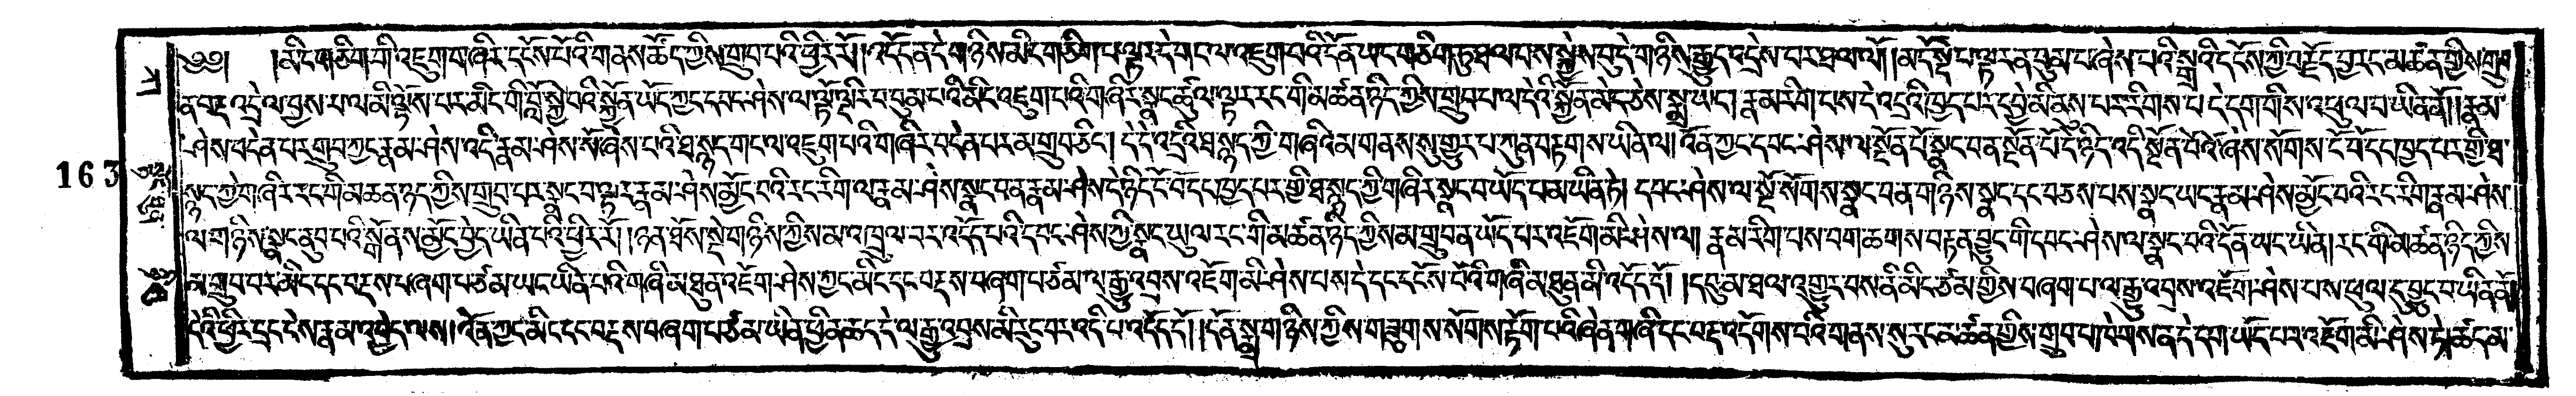༄༅། །མིང་གཅིག་གི་འཇུག་གཞིང་དངོས་པོའི་གནས་ཚོད་ཀྱིས་གྲུབ་པའི་ཕྱིར་རོ། །འདོད་ན་དེ་གཉིས་མིང་གཅིག་པ་ལྟར་དེ་གང་ལ་འཇུག་པའི་དོན་ཡང་གཅིག་ཏུ་ཐལ་བས་སྐྱེས་བུ་དེ་གཉིས་རྒྱུད་འདྲེས་པར་ཐལ་ལོ། །མདོ་སྡེ་པ་ལྟར་ན་བུམ་པ་ཞེས་པའི་སྒྲའི་དངོས་ཀྱི་བརྗོད་བྱ་རང་མཚན་གྱིས་གྲུབ་
ན་བརྡ་འདྲེལ་བྱས་པ་ལ་མི་ལྟོས་པར་མེད་གི་བློ་སྐྱེ་བའི་སྐྱོན་ཡོད་ཀྱང་དབང་ཤེས་ལ་ལྟོ་ལྡིར་བ་བུམ་པའི་མིང་འཇུག་པའི་གཞིར་སྣང་ཚུལ་ལྟར་རང་གི་མཚན་ཉིད་ཀྱིས་གྲུབ་པ་ལ་དེའི་སྐྱོན་མེད་ཅེས་སྨྲ་ཡང་། རྣམ་རིག་པས་དེ་འདྲའི་ཁྱད་པར་དབྱེ་མི་ནུས་པར་རིགས་པ་དེ་དག་གིས་འཕུལ་བ་ཡིན་ནོ། །རྣམ་
ཤེས་བདེན་པར་གྲུབ་ཀྱང་རྣམ་ཤེས་འདི་རྣམ་ཤེས་སོ་ཞེས་པའི་ཐ་སྙད་གང་ལ་འཇུག་པའི་གཞིར་བདེན་པར་མ་གྲུབ་ཅིང་། དེ་དེ་འདྲའི་ཐ་སྙད་ཀྱི་གཞིའམ་གནས་སུ་གྲུབ་པ་ཀུན་བརྟགས་ཡིན་ལ། འོན་ཀྱང་དབང་ཤེས་ལ་སྔོན་པོ་སྣང་བ་ན་སྔོན་པོ་དེ་ཉིད་འདི་སྔོན་པོའོ་ཞེས་སོགས་ངོ་བོ་དང་ཁྱད་པར་གྱི་ཐ་
སྙད་ཀྱི་གཞིར་རང་གི་མཚན་ཉིད་ཀྱིས་གྲུབ་པར་སྣང་བ་ལྟར་རྣམ་ཤེས་མྱོང་བའི་རང་རིག་ལ་རྣམ་ཤེས་སྣང་བ་ན་རྣམ་ཤེས་དེ་ཉིད་ངོ་བོ་དང་ཁྱད་པར་གྱི་ཐ་སྙད་ཀྱི་གཞིར་སྣང་བ་ཡོད་པ་མ་ཡིན་ཏེ། དབང་ཤེས་ལ་སྔོ་སོགས་སྣང་བ་ན་གཉིས་སྣང་དང་བཅས་པས་སྣང་ཡང་རྣམ་ཤེས་མྱོང་བའི་རང་རིག་རྣམ་ཤེས་
ལ་གཉིས་སྣང་ནུབ་པའི་སྒོ་ནས་མྱོང་བྱེད་ཡིན་པའི་ཕྱིར་རོ། །ཉན་ཐོས་སྡེ་གཉིས་ཀྱིས་མ་འཁྲུལ་བར་འདོད་པའི་དབང་ཤེས་ཀྱི་སྣང་ཡུལ་རང་གི་མཚན་ཉིད་ཀྱིས་མ་གྲུབ་ན་ཡོད་པར་འཇོག་མི་ཤེས་ལ། རྣམ་རིག་པས་བག་ཆགས་བརྟན་བྱུང་གི་དབང་ཤེས་ལ་སྣང་བའི་དོན་ཡང་ཡིན། རང་གི་མཚན་ཉིད་ཀྱིས་
མ་གྲུབ་པར་མིང་དང་བརྡས་བཞག་པ་ཙམ་ཡང་ཡིན་པའི་གཞི་མཐུན་འཇོག་ཤེས་ཀྱང་མིང་དང་བརྡས་བཞག་པ་ཙམ་ལ་རྒྱུ་འབྲས་འཇོག་མི་ཤེས་པས་དེ་དང་དངོས་པོའི་གཞི་མཐུན་མི་འདོད་དོ། །དབུ་མ་ཐལ་འགྱུར་བས་ནི་མིང་ཙམ་གྱིས་བཞག་པ་ལ་རྒྱུ་འབྲས་འཇོག་ཤེས་པས་ཕུལ་དུ་བྱུང་བ་ཡིན་ནོ།
དེའི་ཕྱིར་དྲང་དེས་རྣམ་འབྱེད་ལས། འོན་ཀྱང་མིང་དང་བརྡས་བཞག་པ་ཙམ་ཡིན་ཕྱིན་ཆད་དེ་ལ་རྒྱུ་འབྲས་མི་རུང་བར་འདི་པ་འདོད་དོ། །དོན་སྨྲ་གཉིས་ཀྱིས་གཟུགས་སོགས་རྟོག་པའི་ཞེན་གཞི་དང་བརྡ་འདོགས་པའི་གནས་སུ་རང་མཚན་གྱིས་གྲུབ་པ་ཁེགས་ན་དེ་དག་ཡོད་པར་འཇོག་མི་ཤེས་ཏེ། ཚད་མ་